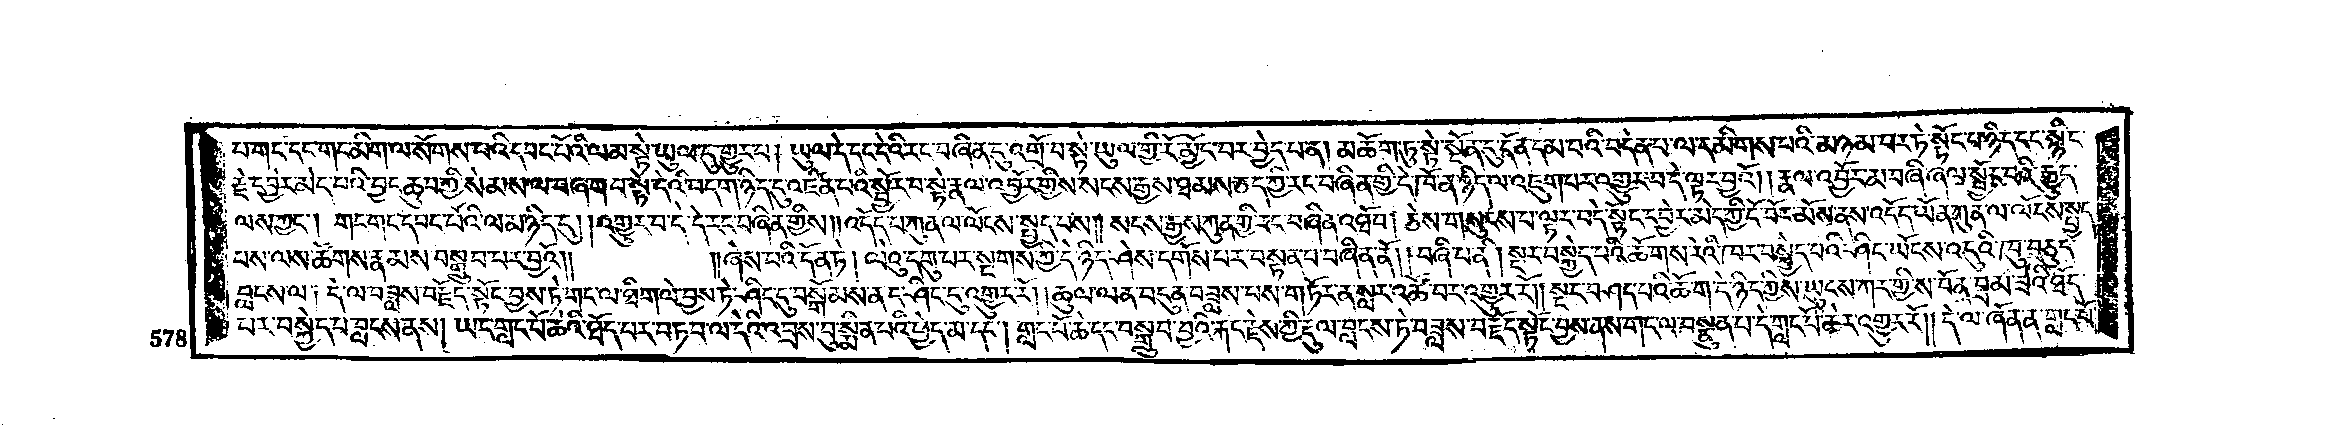པ་གང་དང་གང་མིག་ལ་སོགས་པའི་དབང་པོའི་ལམ་སྟེ་ཡུལ་དུ་གྱུར་པ། ཡུལ་དེ་དང་དེའི་རང་བཞིན་དུ་འགྲོ་བ་སྟེ་ཡུལ་གྱི་རོ་མྱོང་བར་བྱེད་པ་ན། མཆོག་ཏུ་སྟེ་སྔོན་དུ་དོན་དམ་པའི་བདེན་པ་ལ་དམིགས་པའི་མཉམ་པར་ཏེ་སྟོང་པ་ཉིད་དང་སྙིང་
རྗེ་དབྱེར་མེད་པའི་བྱང་ཆུབ་ཀྱི་སེམས་ལ་བཞག་པ་སྟེ་དེའི་བདག་ཉིད་དུ་འཛིན་པའི་སྦྱོར་བ་སྟེ་རྣལ་འབྱོར་གྱིས་སངས་རྒྱས་ཐམས་ཅད་ཀྱི་རང་བཞིན་གྱི་དེ་ཁོ་ན་ཉིད་ལ་འཇུག་པར་འགྱུར་བ་དེ་ལྟར་བྱའོ། །རྣལ་འབྱོར་མ་བཞི་ཞལ་སྦྱོར་བའི་རྒྱུད་
ལས་ཀྱང་། གང་གང་དབང་པོའི་ལམ་ཉིད་དུ། །འགྱུར་བ་དེ་དེ་རང་བཞིན་གྱིས། །འདོད་པ་ཀུན་ལ་ལོངས་སྤྱད་པས། །སངས་རྒྱས་ཀུན་གྱི་རང་བཞིན་འཐོབ། ཅེས་གསུངས་པ་ལྟར་བདེ་སྟོང་དབྱེར་མེད་ཀྱི་ངོ་བོར་མོས་ནས་འདོད་ཡོན་ཀུན་ལ་ལོངས་སྤྱད་
པས་ལས་ཚོགས་རྣམས་བསྒྲུབ་པར་བྱའོ།། །།ཞེས་པའི་དོན་ཏེ། ལེའུ་དགུ་པར་སྔགས་ཀྱི་དེ་ཉིད་ཤས་དགོས་པར་བསྟན་པ་བཞིན་ནོ། །བཞི་པ་ནི། སྔར་བསྐྱེད་པའི་ཆོ་གས་རེའི་ཁར་བསྐྱེད་པའི་ཤིང་ཡོངས་འདུའི་ཁུ་བཅུད་
བླངས་ལ། དེ་ལ་བཟླས་བརྗོད་སྟོང་བྱས་ཏེ་གང་ལ་ཐིག་ལེ་བྱས་ཏེ་ཤིང་དུ་བསྒོམས་ན་དེ་ཤིང་དུ་འགྱུར་རོ། །ཆུ་ལ་ལན་བདུན་བཟླས་པས་གཏོར་ན་སླར་འཚོ་བར་འགྱུར་རོ། །སྔར་བཤད་པའི་ཆོ་ག་དེ་ཉིད་ཀྱིས་ཡུངས་ཀར་གྱི་ས་བོན་བྲམ་ཟེའི་ཐོད་
པར་བསྐྱེད་པ་བླངས་ནས། ཡང་གླང་པོ་ཆེའི་ཐོད་པར་བཏབ་ལ་དེའི་འབྲས་བུ་སྨིན་པའི་ཕྱེད་མ་དང་། གླང་པོ་ཆེ་དང་བསྒྲུབ་བྱའི་རྐང་རྗེས་ཀྱི་རྡུལ་བླངས་ཏེ་བཟླས་བརྗོད་སྟོང་བྱས་ནས་གང་ལ་བསྣུན་པ་དེ་གླང་པོ་ཆེར་འགྱུར་རོ། །དེ་ལ་ཞོན་ན་གླང་པོ་